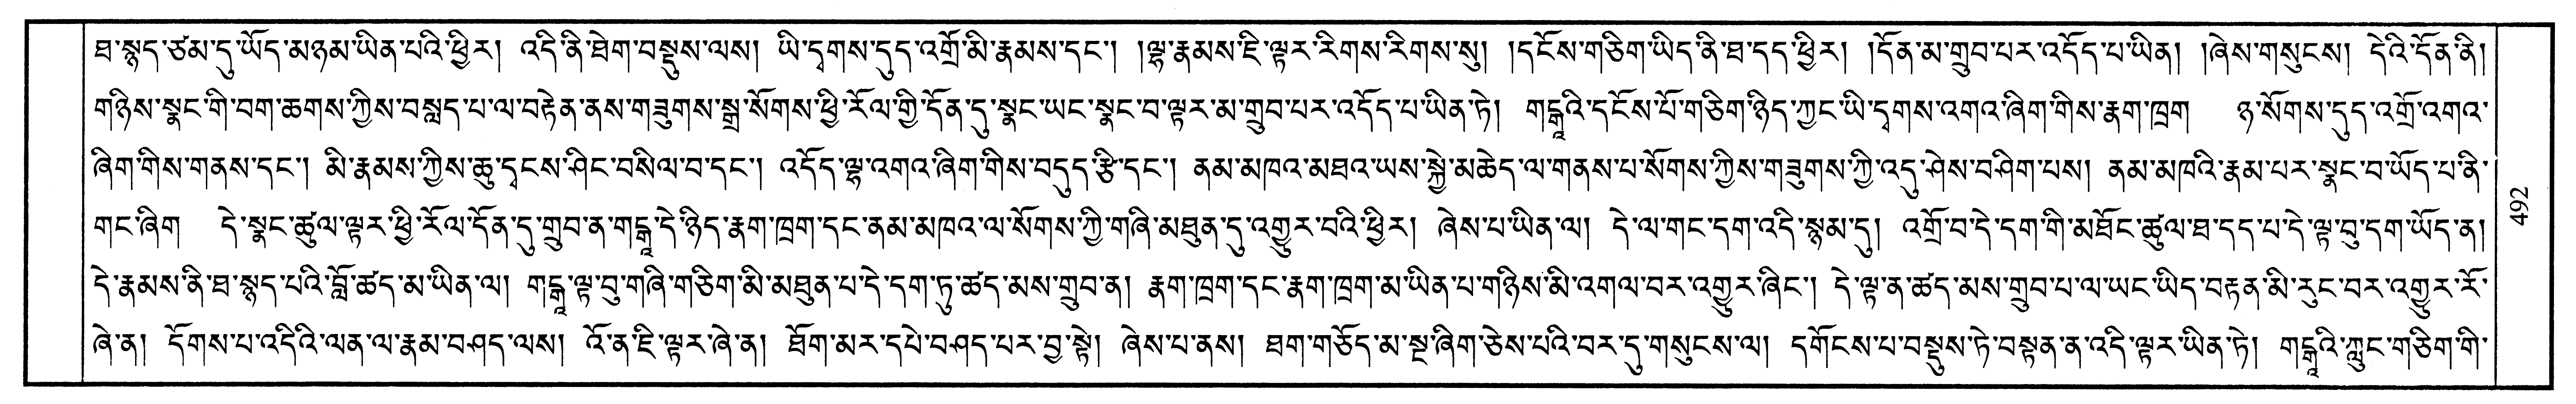ཐ་སྙད་ཙམ་དུ་ཡོད་མཉམ་ཡིན་པའི་ཕྱིར། འདི་ནི་ཐེག་བསྡུས་ལས། ཡི་དྭགས་དུད་འགྲོ་མི་རྣམས་དང་། །ལྷ་རྣམས་ཇི་ལྟར་རིགས་རིགས་སུ། །དངོས་གཅིག་ཡིད་ནི་ཐ་དད་ཕྱིར། །དོན་མ་གྲུབ་པར་འདོད་པ་ཡིན། །ཞེས་གསུངས། དེའི་དོན་ནི།
གཉིས་སྣང་གི་བག་ཆགས་ཀྱིས་བསླད་པ་ལ་བརྟེན་ནས་གཟུགས་སྒྲ་སོགས་ཕྱི་རོལ་གྱི་དོན་དུ་སྣང་ཡང་སྣང་བ་ལྟར་མ་གྲུབ་པར་འདོད་པ་ཡིན་ཏེ། གངྒཱའི་དངོས་པོ་གཅིག་ཉིད་ཀྱང་ཡི་དྭགས་འགའ་ཞིག་གིས་རྣག་ཁྲག །ཉ་སོགས་དུད་འགྲོ་འགའ་
ཞིག་གིས་གནས་དང་། མི་རྣམས་ཀྱིས་ཆུ་དྭངས་ཤིང་བསིལ་བ་དང་། འདོད་ལྷ་འགའ་ཞིག་གིས་བདུད་རྩི་དང་། ནམ་མཁའ་མཐའ་ཡས་སྐྱེ་མཆེད་ལ་གནས་པ་སོགས་ཀྱིས་གཟུགས་ཀྱི་འདུ་ཤེས་བཤིག་པས། ནམ་མཁའི་རྣམ་པར་སྣང་བ་ཡོད་པ་ནི་
གང་ཞིག །དེ་སྣང་ཚུལ་ལྟར་ཕྱི་རོལ་དོན་དུ་གྲུབ་ན་གངྒཱ་དེ་ཉིད་རྣག་ཁྲག་དང་ནམ་མཁའ་ལ་སོགས་ཀྱི་གཞི་མཐུན་དུ་འགྱུར་བའི་ཕྱིར། ཞེས་པ་ཡིན་ལ། དེ་ལ་གང་དག་འདི་སྙམ་དུ། འགྲོ་བ་དེ་དག་གི་མཐོང་ཚུལ་ཐ་དད་པ་དེ་ལྟ་བུ་དག་ཡོད་ན།
དེ་རྣམས་ནི་ཐ་སྙད་པའི་བློ་ཚད་མ་ཡིན་ལ། གངྒཱའི་ལྟ་བུ་གཞི་གཅིག་མི་མཐུན་པ་དེ་དག་ཏུ་ཚད་མས་གྲུབ་ན། རྣག་ཁྲག་དང་རྣག་ཁྲག་མ་ཡིན་པ་གཉིས་མི་འགལ་བར་འགྱུར་ཞིང་། དེ་ལྟ་ན་ཚད་མས་གྲུབ་པ་ལ་ཡང་ཡིད་བརྟན་མི་རུང་བར་འགྱུར་རོ་
ཞེ་ན། དོགས་པ་འདིའི་ལན་ལ་རྣམ་བཤད་ལས། འོ་ན་ཇི་ལྟར་ཞེ་ན། ཐོག་མར་དཔེ་བཤད་པར་བྱ་སྟེ། ཞེས་པ་ནས། ཐག་གཅོད་མ་སྔ་ཞིག་ཅེས་པའི་བར་དུ་གསུངས་ལ། དགོངས་པ་བསྡུས་ཏེ་བསྟན་ན་འདི་ལྟར་ཡིན་ཏེ། གངྒཱའི་ཀླུང་གཅིག་གི་